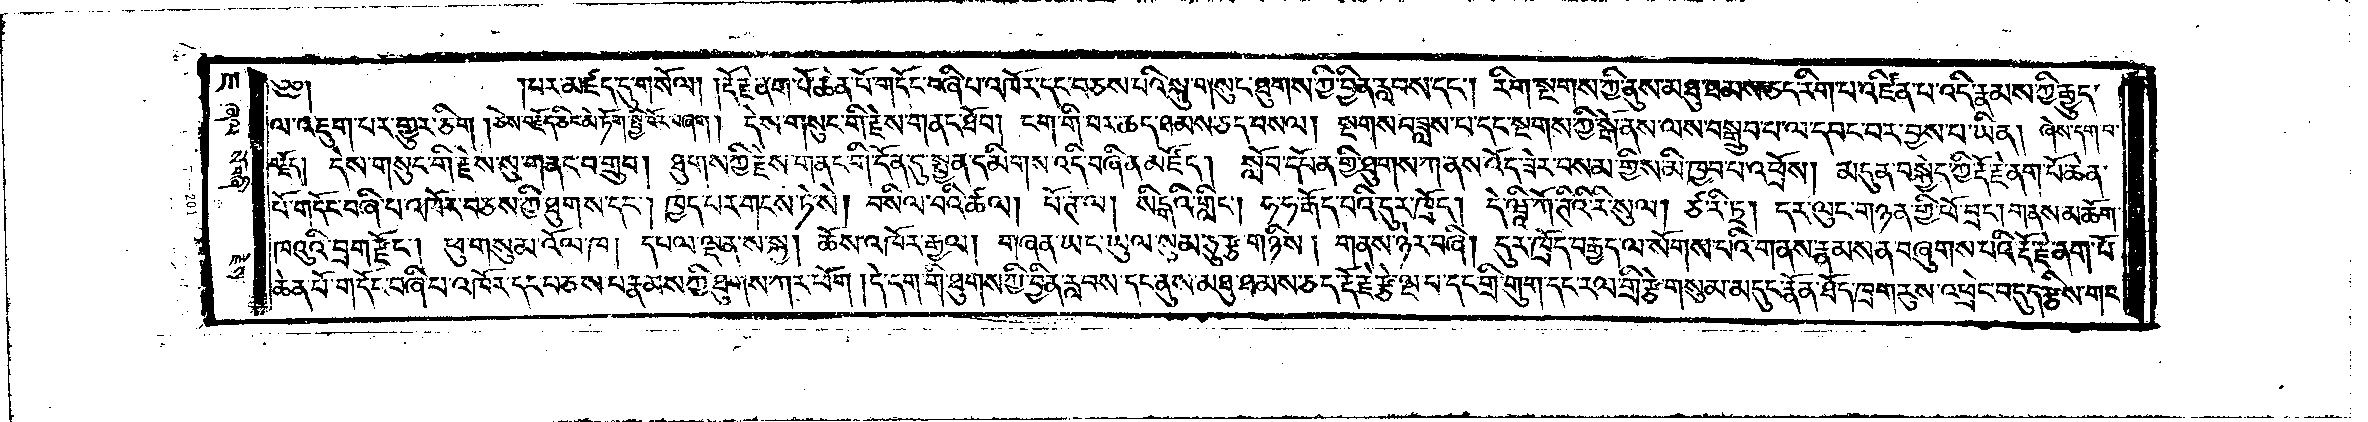༄༅། །པར་མཛད་དུ་གསོལ། །རྡོ་རྗེ་ནག་པོ་ཆེན་པོ་གདོད་བཞི་པ་འཁོར་དང་བཅས་པའི་སྐུ་གསུང་ཐུགས་ཀྱི་བྱིན་རླབས་དང་། རིག་སྔགས་ཀྱི་ནུས་མཐུ་ཐམས་ཅད་རིག་པ་འཛིན་པ་འདི་རྣམས་ཀྱི་རྒྱུད་
ལ་འཇུག་པར་གྱུར་ཅིག་།ཅེས་བརྗོད་ཅིང་མེ་ཏོག་སྤྱི་བོར་བཞག །  དེས་གསུང་གི་རྗེས་གནང་ཐོབ། ངག་གི་བར་ཆད་ཐམས་ཅད་བསལ། སྔགས་བཟླས་པ་དང་སྔགས་ཀྱི་སྒོ་ནས་ལས་བསྒྲུབ་པ་ལ་དབང་པར་བྱས་པ་ཡིན། ཞེས་དགའ་
བརྗོད། དེས་གསུང་གི་རྗེས་སུ་གནང་བ་གྲུབ། ཐུགས་ཀྱི་རྗེས་གནང་གི་དོན་དུ་སྤྱན་དམིགས་འདི་བཞིན་མཛོད། སློབ་དཔོན་གྱི་ཐུགས་ཀ་ནས་འོད་ཟེར་བསམ་གྱིས་མི་ཁྱབ་པ་འཕྲོས། མདུན་བསྐྱེད་ཀྱི་རྡོ་རྗེ་ནག་པོ་ཆེན་
པོ་གདོང་བཞི་བ་འཁོར་བཅས་ཀྱི་ཐུགས་དང་། ཁྱད་པར་གངས་ཏེ་སེ། བསིལ་པའི་ཚལ། པོ་ཊ་ལ། སིངྒའི་གླིང་། ཧ་ཧ་རྒོད་བའི་དུར་ཁྲོད། དེ་ཝཱི་ཀོ་ཊིའི་རི་སུལ། ཙ་རི་ཏྲཱ། དར་ལུང་གཉན་གྱི་ཕོ་བྲང་། གནས་མཆོག་
ཁའུའི་བྲག་རྫོང་། ཕུ་གསུམ་ལོ་བ་ཁ། དཔལ་ལྡན་ས་སྐྱ། ཆོས་འཁོར་རྒྱལ། གཞན་ཡང་ཡུལ་སུམ་ཅུ་རྩ་གཉིས། ནས་ཉེར་བཞི། དུར་ཁྲོད་བརྒྱད་ལ་སོགས་པའི་གནས་རྣམས་ན་བཞུགས་པའི་རྡོ་རྗེ་ནག་པོ་
ཆེན་པོ་གདོང་བཞི་པ་འཁོར་དང་བཅས་པ་རྣམས་ཀྱི་ཐུགས་ཀར་ཕོག །དེ་དག་གི་ཐུགས་ཀྱི་བྱིན་རླབས་དང་ནུས་མཐུ་ཐམས་ཅད་རྡོ་རྗེ་རྩེ་ལྔ་པ་དང་གྲི་གུག་དང་རལ་གྲི་རྩེ་གསུམ་མདུང་རྣོན་ཐོད་ཁྲག་རུས་འཕྲེང་བདུད་རྩིས་གྲ་